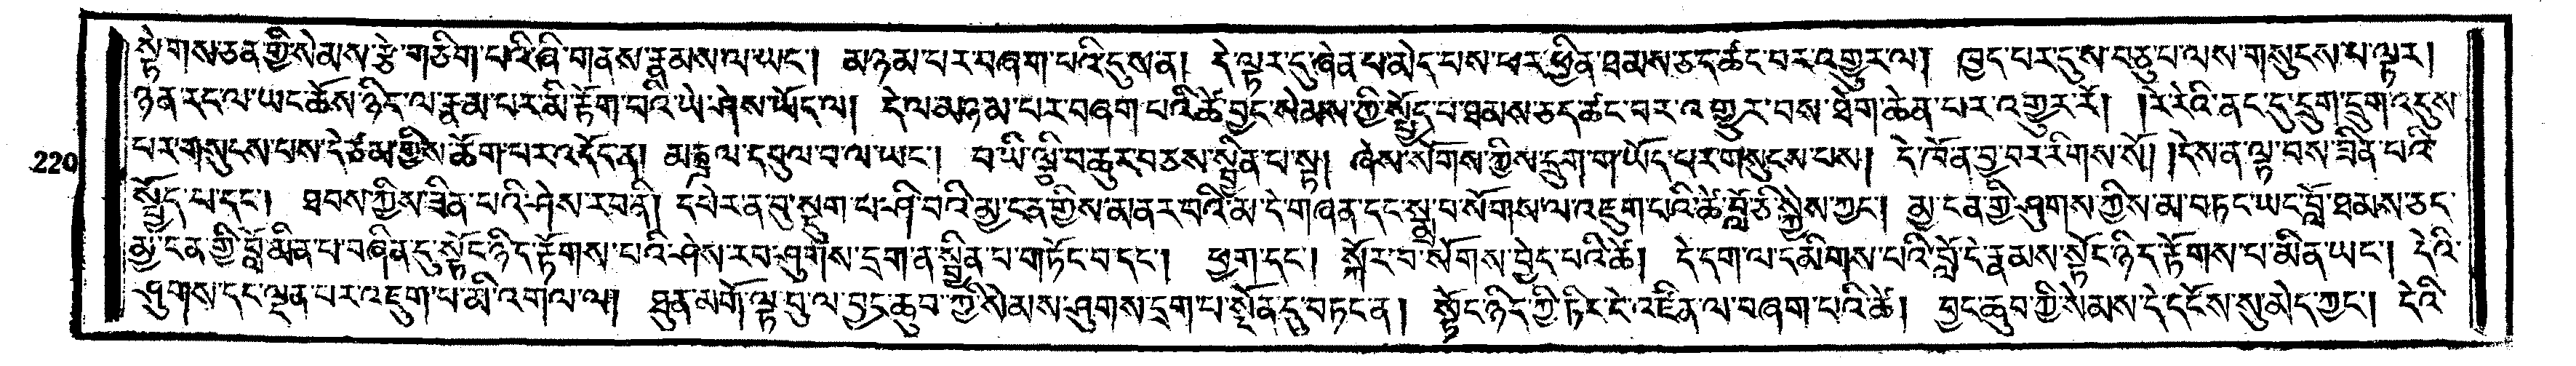སྟེགས་ཅན་གྱི་སེམས་རྩེ་གཅིག་པའི་ཞི་གནས་རྣམས་ལ་ཡང་། མཉམ་པར་བཞག་པའི་དུས་ན། དེ་ལྟར་དུ་ཞེན་པ་མེད་པས་ཕར་ཕྱིན་ཐམས་ཅད་ཚང་བར་འགྱུར་ལ། ཁྱད་པར་དུ་ས་བཅུ་པ་ལས་གསུངས་པ་ལྟར།
ཉན་རང་ལ་ཡང་ཆོས་ཉིད་ལ་རྣམ་པར་མི་རྟོག་བའི་ཡེ་ཤེས་ཡོད་ལ། དེ་ལ་མཉམ་པར་བཞག་པའི་ཚེ་བྱང་སེམས་ཀྱི་སྤྱོད་པ་ཐམས་ཅད་ཚང་བར་འགྱུར་བས་ཐེག་ཆེན་པར་འགྱུར་རོ། །རེ་རེའི་ནང་དུ་དྲུག་དྲུག་འདུས་
པར་གསུངས་པས་དེ་ཙམ་གྱིས་ཆོག་པར་འདོད་ན། མཱཎྜལ་དབུལ་བ་ལ་ཡང་། བ་ཡི་ལྕི་བ་ཆུར་བཅས་སྦྱིན་པ་སྟ། ཞེས་སོགས་ཀྱིས་དྲུག་ག་ཡོད་པར་གསུངས་པས། དེ་ཁོ་ན་བྱ་བར་རིགས་སོ། །དེས་ན་ལྟ་བས་ཟིན་པའི་
སྤྱོད་པ་དང་། ཐབས་ཀྱིས་ཟིན་པའི་ཤེས་རབ་ནི། དཔེར་ན་བུ་སྡུག་པ་ཤི་བའི་མྱ་ངན་གྱིས་མནར་བའི་མ་དེ་གཞན་དང་སྨྲ་བ་སོགས་ལ་འཇུག་པའི་ཚེ་བློ་ཅི་སྐྱེས་ཀྱང་། མྱ་ངན་གྱི་ཤུགས་ཀྱིས་མ་བཏང་ཡང་བློ་ཐམས་ཅད་
མྱ་ངན་གྱི་བློ་མིན་པ་བཞིན་དུ་སྟོང་ཉིད་རྟོགས་པའི་ཤེས་རབ་ཤུགས་དྲག་ན་སྦྱིན་པ་གཏོང་བ་དང་། ཕྱག་དང་། སྐོར་བ་སོགས་བྱེད་པའི་ཚེ། དེ་དག་ལ་དམིགས་པའི་བློ་དེ་རྣམས་སྟོང་ཉིད་རྟོགས་པ་མིན་ཡང་། དེའི་
ཤུགས་དང་ལྡན་པར་འཇུག་པ་མི་འགལ་ལ། ཐུན་མགོ་ལྟ་བུ་ལ་བྱང་ཆུབ་ཀྱི་སེམས་ཤུགས་དྲག་པ་སྔོན་དུ་བཏང་ན། སྟོང་ཉིད་ཀྱི་ཏིང་ངེ་འཛིན་ལ་བཞག་པའི་ཚེ། བྱང་ཆུབ་ཀྱི་སེམས་དེ་དངོས་སུ་མེད་ཀྱང་། དེའི་